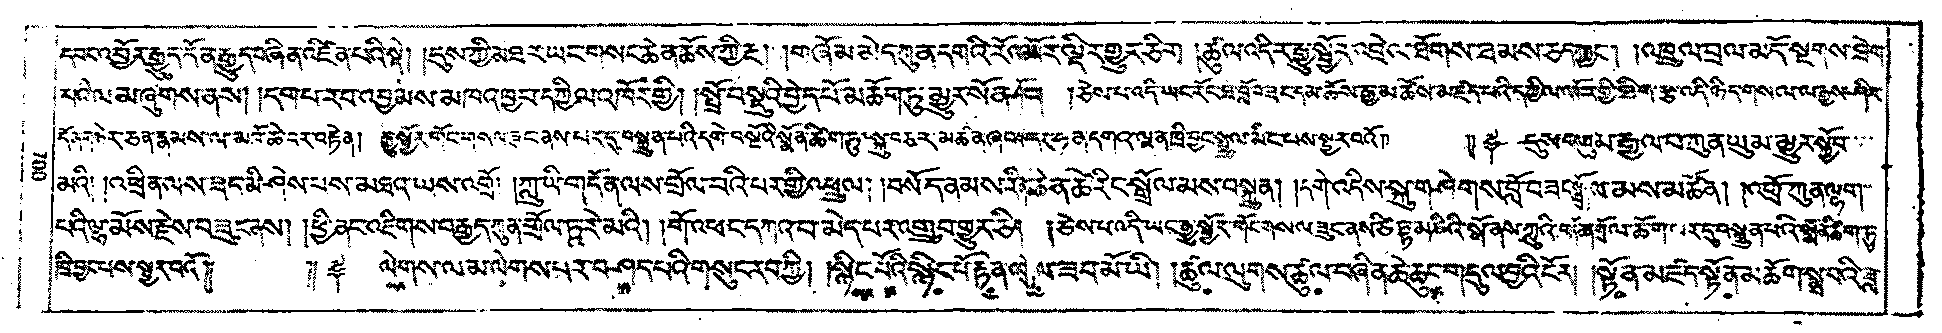དབང་འབྱོར་རྒྱུད྾་དོན་རྒྱུད་བཞིན་འཛིན་པའི་སྡེ། །དུས་ཀྱི་མཐར་ཡང་གསང་ཆེན་ཆོས་ཀྱི་རྔ། །གཞོམ་མེད་ཀུན་དགའི་རོལ་མོར་ལྡིར་གྱུར་ཅིག །ཚུལ་འདིར་རྒྱུ་སྦྱོར་འབྲེལ་ཐོགས་ཐམས་ཅད་ཀྱང་། །འཁྲུལ་བྲལ་མདོ་སྔགས་ཐེག་
པའི་ལམ་ཞུགས་ནས། །དག་པ་རབ་འབྱམས་མཁའ་ཁྱབ་དཀྱིལ་འཁོར་གྱི། །སྤྲོ་བསྡུའི་བྱེད་པོ་མཆོག་ཏུ་མྱུར་སོན་ཤོག །ཅེས་པ་འདི་ཡང་རོང་ཐ་བློ་བཟང་དམ་ཆོས་རྒྱ་མཚོས་མཛད་པའི་དཀྱིལ་འཁོར་གྱི་ཐིག་རྩ་འདི་ཉིད་གསལ་ལ་རྒྱས་ཤིང་
དོན་གཉེར་ཅན་རྣམས་ལ་མཁོ་ཆེ་བར་བརྟེན། རྒྱུ་སྦྱོར་གོང་གསལ་ཟུང་ནས་པར་དུ་བསྐྲུན་པའི་དགེ་བསྔོའི་སྨོན་ཚིག་ཏུ་༧སྐུ་བཅར་མཚན་ཞབས་དར་ཧན་དགའ་ལྡན་ཁྲི་བྱང་སྤྲུལ་མིང་པས་སྦྱར་བའོ།། །། ༈ དུས་གསུམ་རྒྱལ་བ་ཀུན་ཡུམ་མྱུར་སྐྱོབ་
མའི། །འཕྲིན་ལས་ཟང་མི་ཤེས་པས་མཐའ་ཡས་འགྲོ། །ཀླུ་ཡི་གདོན་ལས་གྲོལ་བའི་པར་གྱི་འཕྲུལ། །བསོད་ནམས་རིན་ཆེན་ཚེ་རིང་སྒྲོལ་མས་བསྐྲུན། །དགེ་འདིས་སྐུ་གཤེགས་བློ་བཟང་སྒྲོལ་མས་མཚོན། །འགྲོ་ཀུན་ལྷག་
པའི་ལྷ་མོས་རྗེས་བཟུང་ནས། །ཕྱི་ནང་འཇིགས་བརྒྱད་ཀུན་གྲོལ་ཏཱ་རེ་མའི། །གོ་འཕང་དཀའ་བ་མེད་པར་འགྲུབ་གྱུར་ཅིག །ཅེས་པ་འདི་ཡང་རྒྱུ་སྦྱོར་གོང་གསལ་ཟུང་ནས་ཙིཏྟ་མཎིའི་སྒོ་ནས་ཀླུའི་གདོན་གྲོལ་ཆོ་ག་པར་དུ་བསྐྲུན་པའི་སྨོན་ཚིག་ཏུ་
ཁྲི་བྱང་པས་སྦྱར་བའོ།། །། ༈ ལེགས་~྾྾་ལམ་ལེགས྾་པར་བཤད་~྾་པའི་གསུང་རབ་ཀྱི། །སྙིང~྾་པོའི~྾་སྙིན~྾་པོ་རྟེན྾་འབྲེལ྾་ཟབ་མོ་ཡི། །ཚུལ྾་ལུགས་ཚུལ྾་བཞིན་ཆེ་ཆུང~྾་གདུལ་བྱའི་ངོར། །སྟོན྾་མཛད་སྟོན྾་མཆོག་སྨྲ་བའི་ཟླ་